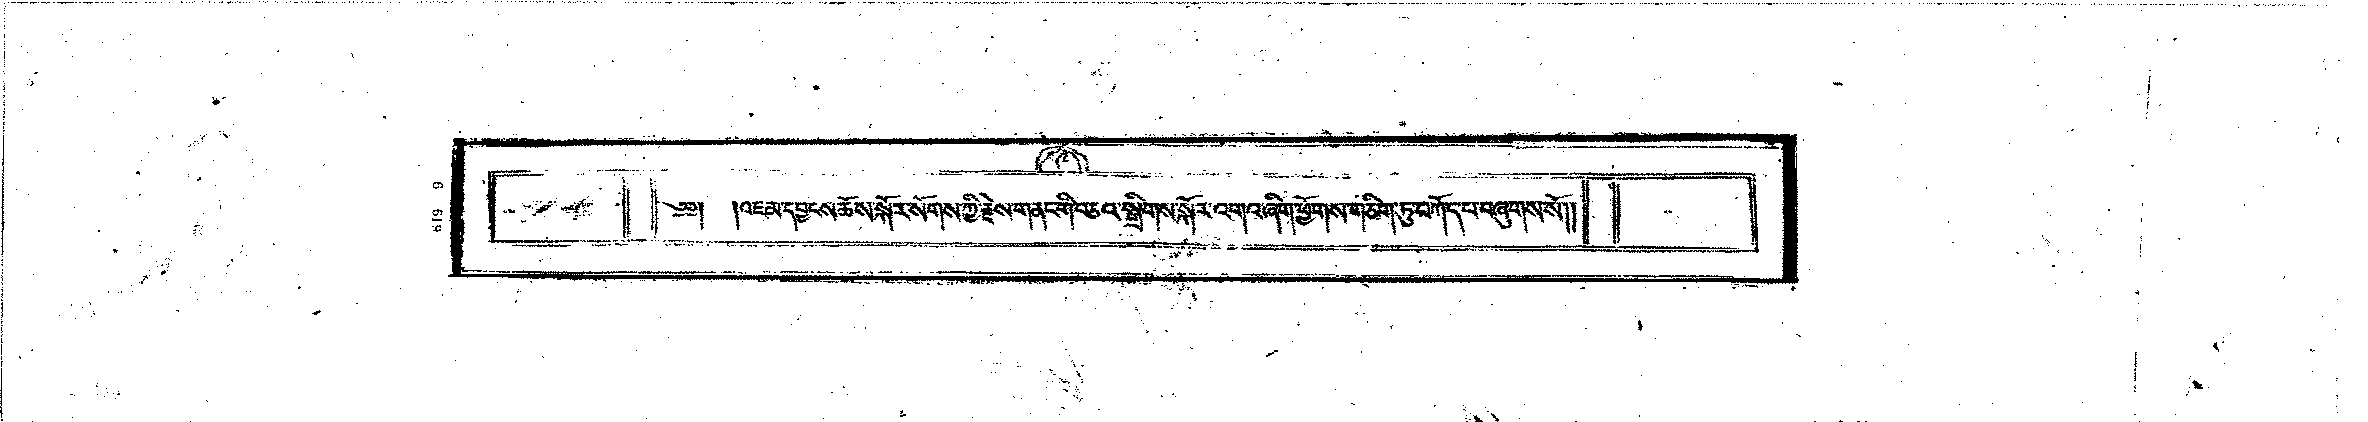༄༅། །འཇམ་དབྱངས་ཆོས་སྐོར་སོགས་ཀྱི་རྗེས་གནང་གི་བཅའ་སྒྲིགས་སྐོར་འགའ་ཞིག་ཕྱོགས་གཅིག་ཏུ་བཀོད་པ་བཞུགས་སོ།